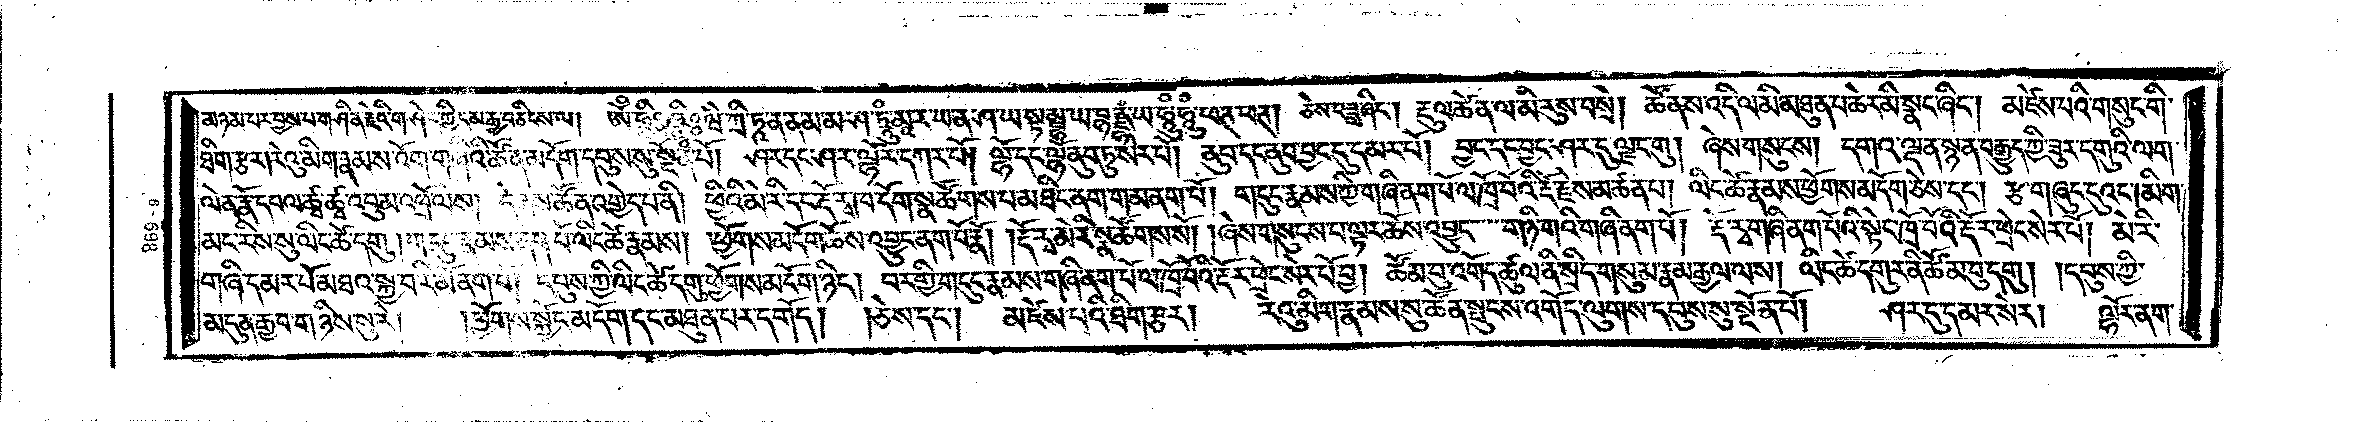མཉམ་པར་བྱས་པ་གཤིན་རྗེའི་གཤེད་ཀྱི་དམ་རྒྱ་བཅིངས་ལ། ཨོཾ་ཧྲཱིཿ ཥཊཱིཿ ཝི་ཀྲི་ཏཱ་ན་ན་མ་མ་ཤ་ཏྲཱུཾ་མཱ་ར་ཡ་ན་ཤ་ཡ་སྟམྦྷ་ཡ་བྷནཌཿཨ་ཡ་ཧཱུཾ་ཧཱུཾ་ཕཊ་ཕཊ། ཅེས་བཟླ་ཞིང་། རྔུལ་ཚེན་ལ་མི་རུས་བསྲེ། ཚོ་ནས་འདི་ལ་མི་མཐུན་པ་ཆེར་མི་སྣང་ཞིང་། མཛེས་པའི་གསུང་གི་
ཐིག་རྩེར། རེའུ་མིག་རྣམས་འོག་གཞིའི་ཚོན་མདོག་དབུས་སུ་སྔོན་པོ། ཤར་དང་ཤར་ཁོར་དཀར་པོ། ལྷོ་དང་ལྷོ་ནུབ་ཏུ་སེར་པོ། ནུབ་དང་ནུབ་བྱང་དུ་དམར་པོ། བྱང་དང་བྱང་ཤར་དུ་ལྗང་གུ། ཞེས་གསུངས། དགའ་ལྡན་སྙན་བརྒྱུད་ཀྱི་ཟུར་དགུའི་ལག་
ལེན་རྣོ་དཔལ་ཚྭ་ཚྭ་འབུམ་འཕྲོ་ལས། དེ་ནས་ཚོན་འགྱེད་པ་ནི། ཕྱིའི་མེ་རི་དང་རྡོ་རྭ་ཁ་དོག་སྣ་ཚོགས་པ་མཐིང་ནག་གམ་ནག་པོ། གདུང་རྣམས་ཀྱི་གཞི་ནག་པོ་ལ་ཁྲོ་བོའི་རྡོ་རྗེས་མཚན་པ། ལིང་ཚེ་རྣམས་ཕྱོགས་མདོག་ཅེས་དང་། རྩ་གཞུང་དུའང་། མིག་
མང་རིས་སུ་ལིང་ཚེ་དགུ། གདུང་རྣམས་ནག་པོ་ལིང་ཚེ་རྣམས། ཕྱོགས་མདོག་ཆོས་འབྱུང་ནག་པོ་རྣོ། །རྡོ་རྭ་མེ་རི་སྣ་ཚོགས་སོ། །ཞེས་གསུང་པ་ལྟར་ཆོས་འབྱུང་གཉི་གའི་གཞི་ནག་པོ། རྡོ་རྭ་གཞི་ནག་པོའི་སྟེང་ཁྲོ་བོའི་རྡོར་ཕྲེང་སེར་པོ། མེ་རི་
གཞི་དམར་པོ་མཐའ་སྐྱབ་རི་མོ་ནག་པོ། དབུས་ཀྱི་ལིང་ཚེ་དགུ་ཕྱོགས་མདོག་ཉིད། བར་གྱི་གདུང་རྣམས་གཞི་ནག་པོ་ལ་ཁྲོ་བོའི་རྡོར་ཕྲེང་སེར་པོ་བྱ། ཚོམ་བུ་འགོད་ཚུལ་ནི་སྲིད་གསུམ་རྣམ་རྒྱལ་ལས། ལིང་ཚེ་དགུར་ནི་ཚོམ་བུ་དགུ། །དབུས་ཀྱི་
མདུན་རྒྱབ་གཉིས་སུ་རེ། །ཕྱོགས་སྐྱོང་མདོག་དང་མཐུན་པར་དགོད། །ཅེས་དང་། མཛེས་པའི་ཐིག་རྩར། རེའུ་མིག་རྣམས་སུ་ཚོན་སྤུངས་འགོད་ལུགས་དབུས་སུ་སྔོན་པོ། ཤར་དུ་དམར་སེར། ལྷོར་ནག་